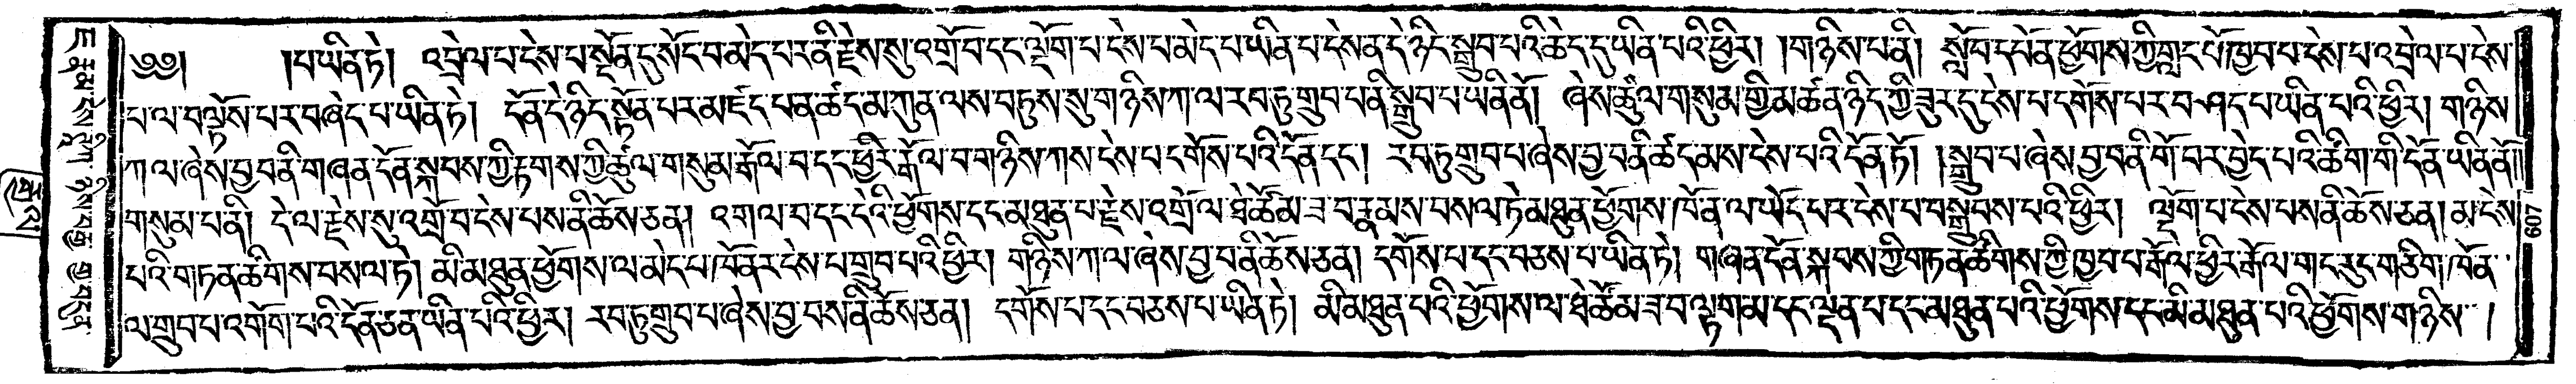༄༅། །པ་ཡིན་ཏེ། འབྲེལ་པ་ངེས་པ་སྔོན་དུ་སོང་བ་མེད་པར་ནི་རྗེས་སུ་འགྲོ་བ་དང་ལྡོག་པ་ངེས་པ་མེད་པ་ཡིན་པ་དེས་ན་དེ་ཉིད་སྒྲུབ་པའི་ཆེད་དུ་ཡིན་པའི་ཕྱིར། །གཉིས་པ་ནི། སློབ་དཔོན་ཕྱོགས་ཀྱི་གླང་པོ་ཁྱབ་པ་ངེས་པ་འབྲེལ་པ་ངེས་
པ་ལ་བལྟོས་པར་བཞེད་པ་ཡིན་ཏེ། དོན་དེ་ཉིད་སྟོན་པར་མཛད་པ་ན་ཚད་མ་ཀུན་ལས་བཏུས་སུ་གཉིས་ཀ་ལ་རབ་ཏུ་གྲུབ་པ་ནི་སྒྲུབ་པ་ཡིན་ནོ། ཞེས་ཚུལ་གསུམ་གྱི་མཚན་ཉིད་ཀྱི་ཟུར་དུ་ངེས་པ་དགོས་པར་བཤད་པ་ཡིན་པའི་ཕྱིར། གཉིས་
ཀ་ལ་ཞེས་བྱ་བ་ནི་གཞན་དོན་སྐབས་ཀྱི་རྟགས་ཀྱི་ཚུལ་གསུམ་རྒོལ་བ་དང་ཕྱིར་རྒོལ་བ་གཉིས་ཀས་ངེས་པ་དགོས་པའི་དོན་དང་། རབ་ཏུ་གྲུབ་པ་ཞེས་བྱ་བ་ནི་ཚད་མས་ངེས་པའི་དོན་ཏོ། །སྒྲུབ་པ་ཞེས་བྱ་བ་ནི་གོ་བར་བྱེད་པའི་ཚིག་གི་དོན་ཡིན་ནོ།
གསུམ་པ་ནི། དེ་ལ་རྗེས་སུ་འགྲོ་བ་ངེས་པས་ནི་ཆོས་ཅན། འགལ་བ་དང་དེའི་ཕྱོགས་དང་མཐུན་པ་རྗེས་འགྲོ་ལ་ཐེ་ཚོམ་ཟ་བ་རྣམས་བསལ་ཏེ་མཐུན་ཕྱོགས་ཁོ་ན་ལ་ཡོད་པར་ངེས་པ་བསྒྲུབས་པའི་ཕྱིར། ལྡོག་པ་ངེས་པས་ནི་ཆོས་ཅན། མ་ངེས་
པའི་གཏན་ཚིགས་བསལ་ཏེ། མི་མཐུན་ཕྱོགས་ལ་མེད་པ་ཁོ་ནར་ངེས་པ་གྲུབ་པའི་ཕྱིར། གཉིས་ཀ་ལ་ཞེས་བྱ་བ་ནི་ཆོས་ཅན། དགོས་པ་དང་བཅས་པ་ཡིན་ཏེ། གཞན་དོན་སྐབས་ཀྱི་གཏན་ཚིགས་ཀྱི་ཁྱབ་པ་རྒོལ་ཕྱིར་རྒོལ་གང་རུང་གཅིག་ཁོ་ན་
ལ་གྲུབ་པ་འགོག་པའི་དོན་ཅན་ཡིན་པའི་ཕྱིར། རབ་ཏུ་གྲུབ་པ་ཞེས་བྱ་བས་ནི་ཆོས་ཅན། དགོས་པ་དང་བཅས་པ་ཡིན་ཏེ། མི་མཐུན་པའི་ཕྱོགས་ལ་ཐེ་ཚོམ་ཟ་བ་ལྟག་མ་དང་ལྡན་པ་དང་མཐུན་པའི་ཕྱོགས་དང་མི་མཐུན་པའི་ཕྱོགས་གཉིས།